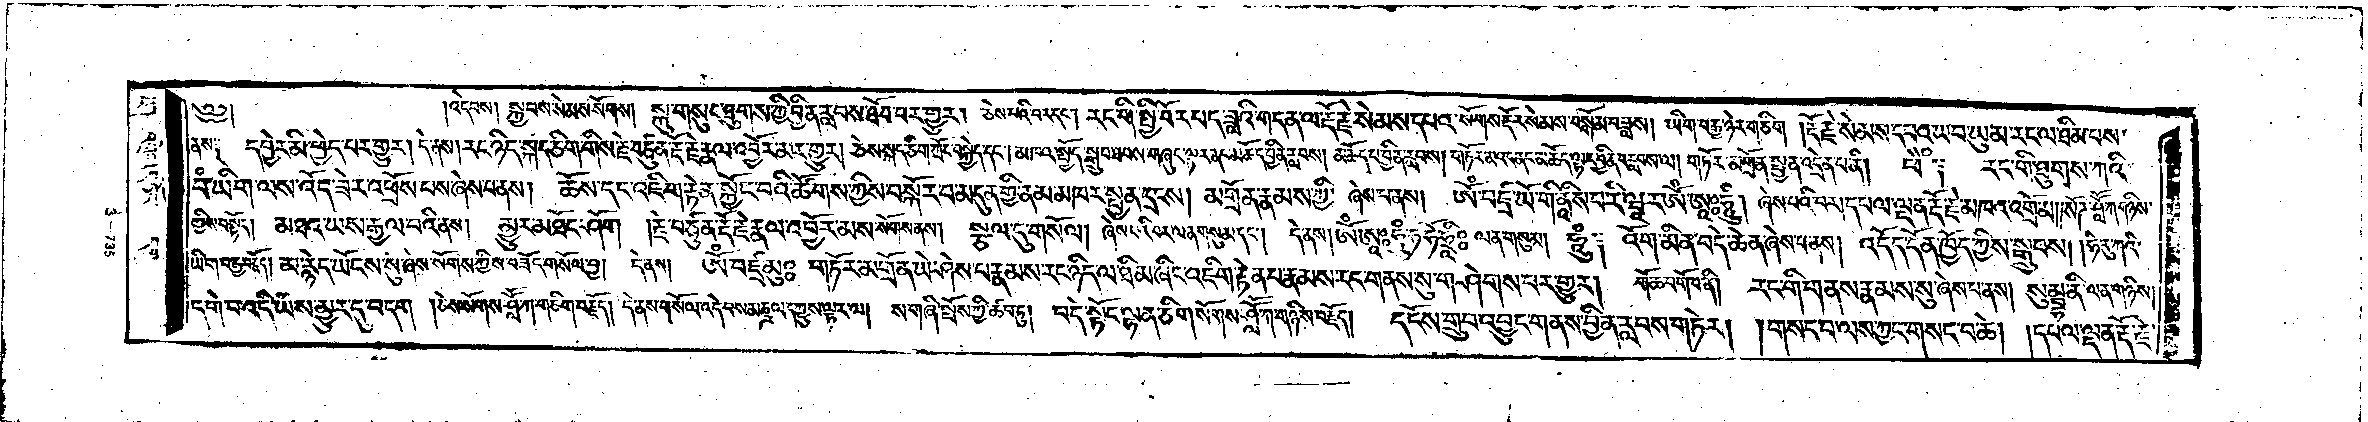༄༅། །འདེབས། སྐྱབས་སེམས་སོགས༑ སྐུ་གསུང་ཐུགས་ཀྱི་བྱིན་རླབས་ཐོབ་པར་གྱུར། ཅེས་པའི་བར་དང་།  རང་གི་སྤྱི་བོར་པད་ཟླའི་གདན་ལ་རྡོ་རྗེ་སེམས་དཔའ་སོགས་རྡོར་སེམས་བསྒོམ་བཟླས། ཡིག་བརྒྱ་ཉེར་གཅིག་།རྡོ་རྗེ་སེམས་དཔའ་ཡབ་ཡུམ་རང་ལ་ཐིམ་པས་
ནས༑  དབྱེར་མི་ཕྱེད་པར་གྱུར། དེ་ནས།  རང་ཉིད་སྐད་ཅིག་གིས་རྗེ་བཙུན་རྡོ་རྗེ་རྣལ་འབྱོར་མར་གྱུར། ཅེས་སྐད་ཅིག་ཀྲོང་བསྐྱེད་དང་། མཁའ་སྤྱོད་སྒྲུབ་ཐབས་གཞུང་ལྟར་ནང་མཆོད་བྱིན་རླབས། མཆོད་པ་བྱིན་རླབས། གཏོར་མའང་ནང་མཆོད་ལྟར་བྱིན་བརླབས་ལ།  གཏོར་མགྲོན་སྤྱན་འདྲེན་པ་ནི། ཕཻཾ༑ རང་གི་ཐུགས་ཀའི་
བཾ་ཡིག་ལས་འོད་ཟེར་འཕྲོས་པས་ཞེས་པ་ནས། ཆོས་དང་འཇིག་རྟེན་སྐྱོང་བའི་ཚོགས་ཀྱིས་བསྐོར་བ་མདུན་གྱི་ནམ་མཁར་སྤྱན་དྲངས། མགྲོན་རྣམས་ཀྱི་ཞེས་པ་ནས།  ཨོཾ་བཛྲ་ཡོ་གི་ནཱ་སི་བ་རི་ཝཱ་ར་ཨོཾ་ཨཱཿཧཱུཾ། ཞེས་པའི་བར།  དཔལ་ལྡན་རྡོ་རྗེ་མཁའ་འགྲོ་མ། །སོཌ་ཤླཽ་ཀ་གཉིས་
གྱིས་བསྟོད། མཐའ་ཡས་རྒྱལ་བའི་ནས། མྱུར་མཐོང་ཤོག །རྗེ་བཙུན་རྡོ་རྗེ་རྣལ་འབྱོར་མས་སོགས་ནས།  སྩལ་དུ་གསོལ། ཞེས་པའི་བར་ལན་གསུམ་དང་། དེ་ནས།  ཨོཾ་ཨཱཿཧཱུཾ་ཧ་ཧོ་ཧྲཱིཿ ལན་གསུམ།  ཧཱུཾ༑ འོག་མིན་བདེ་ཆེན་ཞེས་པ་ནས། འདོད་དོན་ཁྱོད་ཀྱིས་སྒྲུབས། །ཧི་རུ་ཀའི་
ཡིག་བརྒྱ་བརྗོད། མ་རྙེད་ཡོངས་སུ་ཞེས་སོགས་ཀྱིས་བཟོད་གསོལ་བྱ། དེ་ནས།  ཨོཾ་བཛྲ་མུཿ གཏོར་མགྲོན་ཡེ་ཤེས་པ་རྣམས་རང་ཉིད་ལ་ཐིམ་ཞིང་འཇིག་རྟེན་པ་རྣམས་རང་གནས་སུ་གཤེགས་པར་གྱུར། གོ་ཆབ་གོ་བ་ནི།  རང་གི་གནས་རྣམས་སུ་ཞེས་པ་ནས།  སུམྦྷ་ནི་ལན་གཉིས།
དགེ་བ་འདི་ཡིས་མྱུར་དུ་བདག་།ཅེས་སོགས་ཤླཽ་ཀ་གཅིག་བརྗོད། དེ་ནས་གསོལ་འདེབས་མཎྜལ་དཀྱུས་ལྟར་ལ། ས་གཞི་སྤོས་ཀྱི་ཚབ་ཏུ།  བདེ་སྟོང་ལྷན་ཅིག་སོགས་ཤླཽ་ཀ་གཉིས་བརྗོད།  དངོས་གྲུབ་འབྱུང་གནས་བྱིན་རླབས་གཏེར། །གསང་བ་ལས་ཀྱང་གསང་བ་ཆེ། །དཔལ་ལྡན་རྡོ་རྗེ་